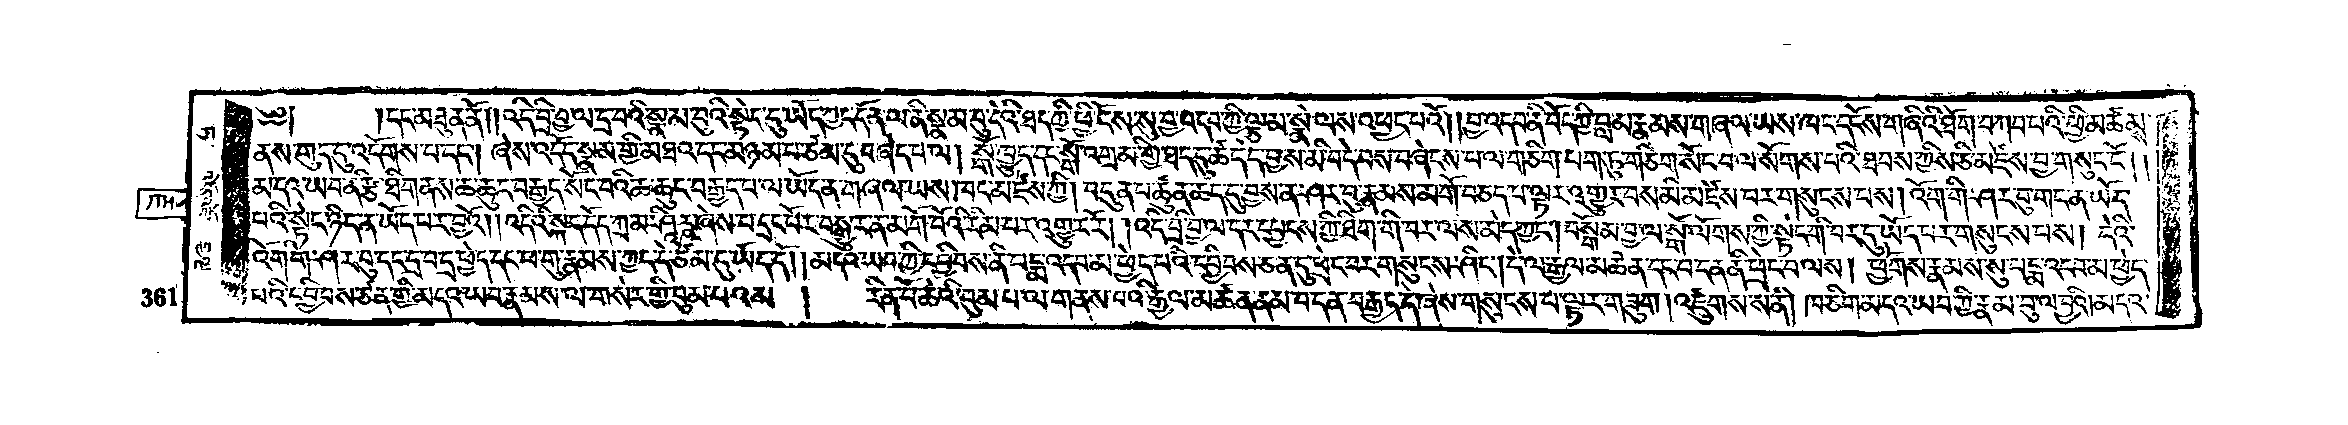༄༅། །དང་མཐུན་ནོ། །འདི་བྲི་བྱ་ལ་དྲ་བའི་སྣམ་བུའི་སྟེང་དུ་ཡོད་ཀྱང་དོན་ལ་ནི་སྣམ་བུ་དེའི་ཐད་ཀྱི་ཕྱི་ངོས་སུ་བྱ་འདབ་ཀྱི་ལྕམ་སྣེ་ལས་འཕྱང་པའོ། །བྱ་འདབ་ནི་བོད་ཀྱི་བླ་མ་རྣམས་གཞལ་ཡས་ཁང་དངོས་གཞིའི་ཐོག་བཀབ་པའི་ཕྱི་མཚམས་
ནས་གུད་དུ་འདོགས་པ་དང་། ཞེས་འདོད་སྣམ་གྱི་མཐའ་དང་མཉམ་པ་ཙམ་དུ་བཞེད་པ་ལ། སྒོ་ཁྱུད་དང་སྒོ་འགྲམ་གྱི་ཐད་དུ་ཚད་དེ་བྱ་ས་མི་བདེ་བས་བཞེངས་པ་ལ་གཅིག་ཕག་ཏུ་གཅིག་སོང་བ་ལ་སོགས་པའི་ཐབས་ཀྱིས་ཅི་མཛེས་བྱ་གསུང་ངོ། །
མདའ་ཡབ་ན་རྩི་ཐིག་ནས་ཆ་ཆུང་བརྒྱད་སོང་བའི་ཆ་ཆུང་བརྒྱད་པ་ལ་ཡོད་ན་གཞལ་ཡས་ཁང་མཛེས་ཀྱི། བདུན་པ་ཚུན་ཆད་དུ་བྱས་ན་ཤར་བུ་རྣམས་མགོ་བཅད་པ་ལྟར་འགྱུར་བས་མི་མཛེས་པར་གསུངས་པས། འོག་གི་ཤར་བུ་གང་ན་ཡོད་
པའི་སྟེང་ཉིད་ན་ཡོད་པར་བྱའོ། །འདིའི་སྐད་དོད་ཀྲ་མ་ཤཱིརྵ་ཞེས་པ་དྲང་པོར་བསྒྱུར་ན་མགོ་བོའི་རིམ་པར་འགྱུར་རོ། །འདི་བྲི་བྱ་ལ་དར་དཔྱངས་ཀྱི་ཐིག་གི་བར་ལས་མེད་ཀྱང་། བསྒོམ་བྱ་ལ་སྒོ་ལོགས་ཀྱི་སྟེང་གི་བར་དུ་ཡོད་པར་གསུངས་པས། དེའི་
འོག་གི་ཤར་བུ་དང་དྲ་བ་དྲ་ཕྱེད་དང་ཕ་གུ་རྣམས་ཀྱང་དེ་ཙམ་དུ་ཡོད་དོ། །མདའ་ཡབ་ཀྱི་དབྱིབས་ནི་པདམ་འདབ་མ་ཕྱེད་པའི་དབྱིབས་ཅན་དུ་ཕྲེང་བར་གསུངས་ཤིང་། དེ་ལ་རྒྱལ་མཚན་དང་བ་དན་ནི་ཕྲེང་བ་ལས། ཕྱོགས་རྣམས་སུ་པདམ་འདབ་མ་ཕྱེད་
པའི་དབྱིབས་ཅན་གྱི་མདའ་ཡབ་རྣམས་ལ་གསེར་གྱི་བུམ་པའམ། རིན་པོ་ཆེའི་བུམ་པ་ལ་གནས་པའི་རྒྱལ་མཚན་ནམ་བ་དན་བརྒྱད་དེ་ཞེས་གསུངས་པ་ལྟར་གཟུག །འཛུགས་ས་ནི། ཁ་ཅིག་མདའ་ཡབ་ཀྱི་རྣམ་བུ་ལ་བྱའི། །མདའ་